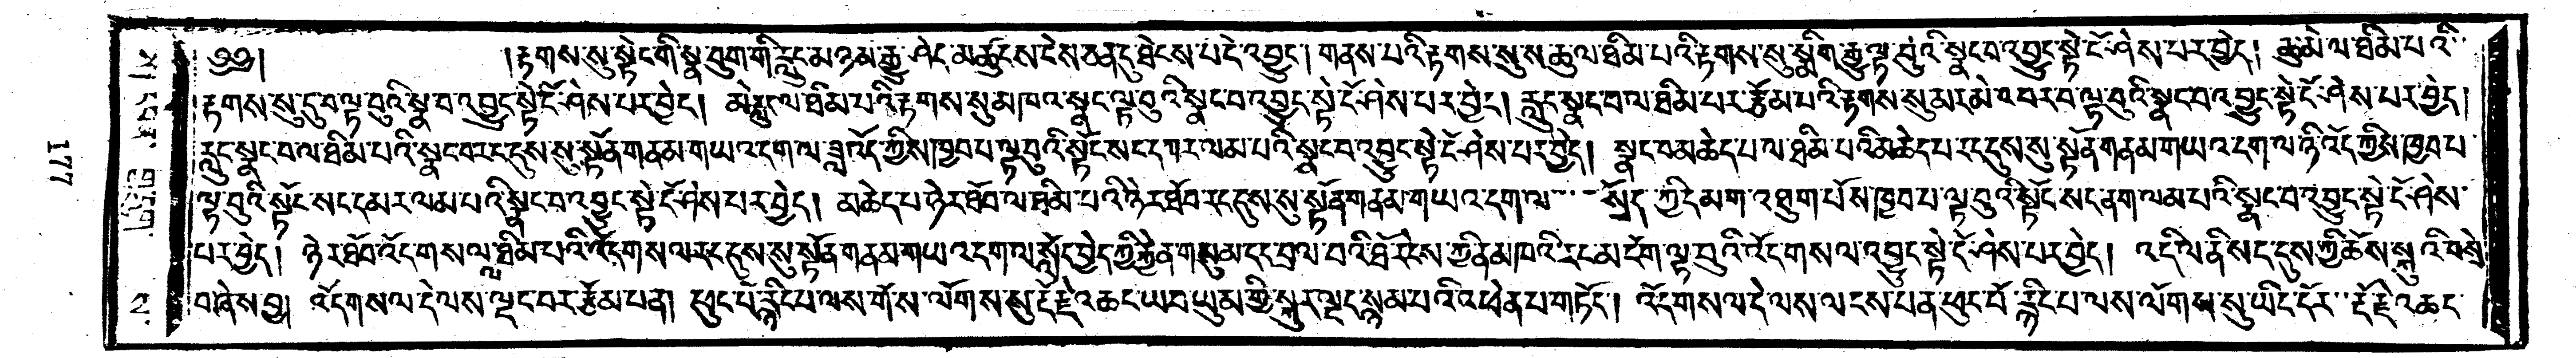༄༅། །རྟགས་སུ་སྟེང་གི་སྣ་བུག་གི་རླུང་མཉམ་རྒྱུ་ཤེད་མཚུངས་ངེས་ཅན་དུ་ཐེངས་པ་དེ་འབྱུང་། གནས་པའི་རྟགས་སུ་ས་ཆུ་ལ་ཐིམ་པའི་རྟགས་སུ་སྨིག་རྒྱུ་ལྟ་བུའི་སྣང་བ་འབྱུང་སྟེ་ངོ་ཤེས་པར་བྱེད། ཆུ་མེ་ལ་ཐིམ་པའི་
རྟགས་སུ་དུ་བ་ལྟ་བུའི་སྣ་བ་འབྱུང་སྟེ་ངོ་ཤེས་པར་བྱེད། མེ་རླུང་ལ་ཐིམ་པའི་རྟགས་སུ་མཁའ་སྣང་ལྟ་བུའི་སྣང་བ་འབྱུང་སྟེ་ངོ་ཤེས་པར་བྱེད། རླུང་སྣང་བ་ལ་ཐིམ་པར་རྩོམ་པའི་རྟགས་སུ་མར་མེ་འབར་བ་ལྟ་བུའི་སྣང་བ་འབྱུང་སྟེ་ངོ་ཤེས་པར་བྱེད།
རླུང་སྣང་བ་ལ་ཐིམ་པའི་སྣང་བ་རང་དུས་སུ་སྟོན་གནམ་གཡའ་དག་ལ་ཟླ་འོད་ཀྱིས་ཁྱབ་པ་ལྟ་བུའི་སྟོང་སང་དཀར་ལམ་པའི་སྣང་བ་འབྱུང་སྟེ་ངོ་ཤེས་པར་བྱེད། སྣང་བ་མཆེད་པ་ལ་ཐིམ་པའི་མཆེད་པ་རང་དུས་སུ་སྟོན་གནམ་གཡའ་དག་ལ་ཉི་འོད་ཀྱིས་ཁྱབ་པ་
ལྟ་བུའི་སྟོང་སང་དམར་ལམ་པའི་སྣང་བ་འབྱུང་སྟེ་ངོ་ཤེས་པར་བྱེད། མཆེད་པ་ཉེར་ཐོབ་ལ་ཐིམ་པའི་ཉེར་ཐོབ་རང་དུས་སུ་སྟོན་གནམ་གཡའ་དག་ལ་སྲོད་ཀྱི་དམག་འཐུག་པོས་ཁྱབ་པ་ལྟ་བུའི་སྟོང་སང་ནག་ལམ་པའི་སྣང་བ་འབྱུང་སྟེ་ངོ་ཤེས་
པར་བྱེད། ཉེར་ཐོབ་འོད་གསལ་ལ་ཐིམ་པའི་འོད་གསལ་རང་དུས་སུ་སྟོན་གནམ་གཡའ་དག་ལ་སློང་བྱེད་ཀྱི་རྐྱེན་གསུམ་དང་བྲལ་བའི་ཐོ་རེངས་ཀྱི་ནམ་མཁའི་རང་མདོག་ལྟ་བུའི་འོད་གསལ་འབྱུང་སྟེ་ངོ་ཤེས་པར་བྱེད། འདི་ལ་ནི་སང་དུས་ཀྱི་ཆོས་སྐུའི་བསྲེ་
བ་ཞེས་བྱ། འོད་གསལ་དེ་ལས་ལྡང་བར་རྩོམ་པ་ན། ཕུང་པོ་རྙིང་པ་ལས་གོ་ས་ལོགས་སུ་རྡོ་རྗེ་འཆང་ཡབ་ཡུམ་གྱི་སྐུར་ལྡང་སྙམ་པའི་འཕེན་པ་གཏོང་། འོད་གསལ་དེ་ལས་ལངས་པ་ན་ཕུང་པོ་རྙིང་པ་ལས་ལོགས་སུ་ཡིད་དོར་རྡོ་རྗེ་འཆང་